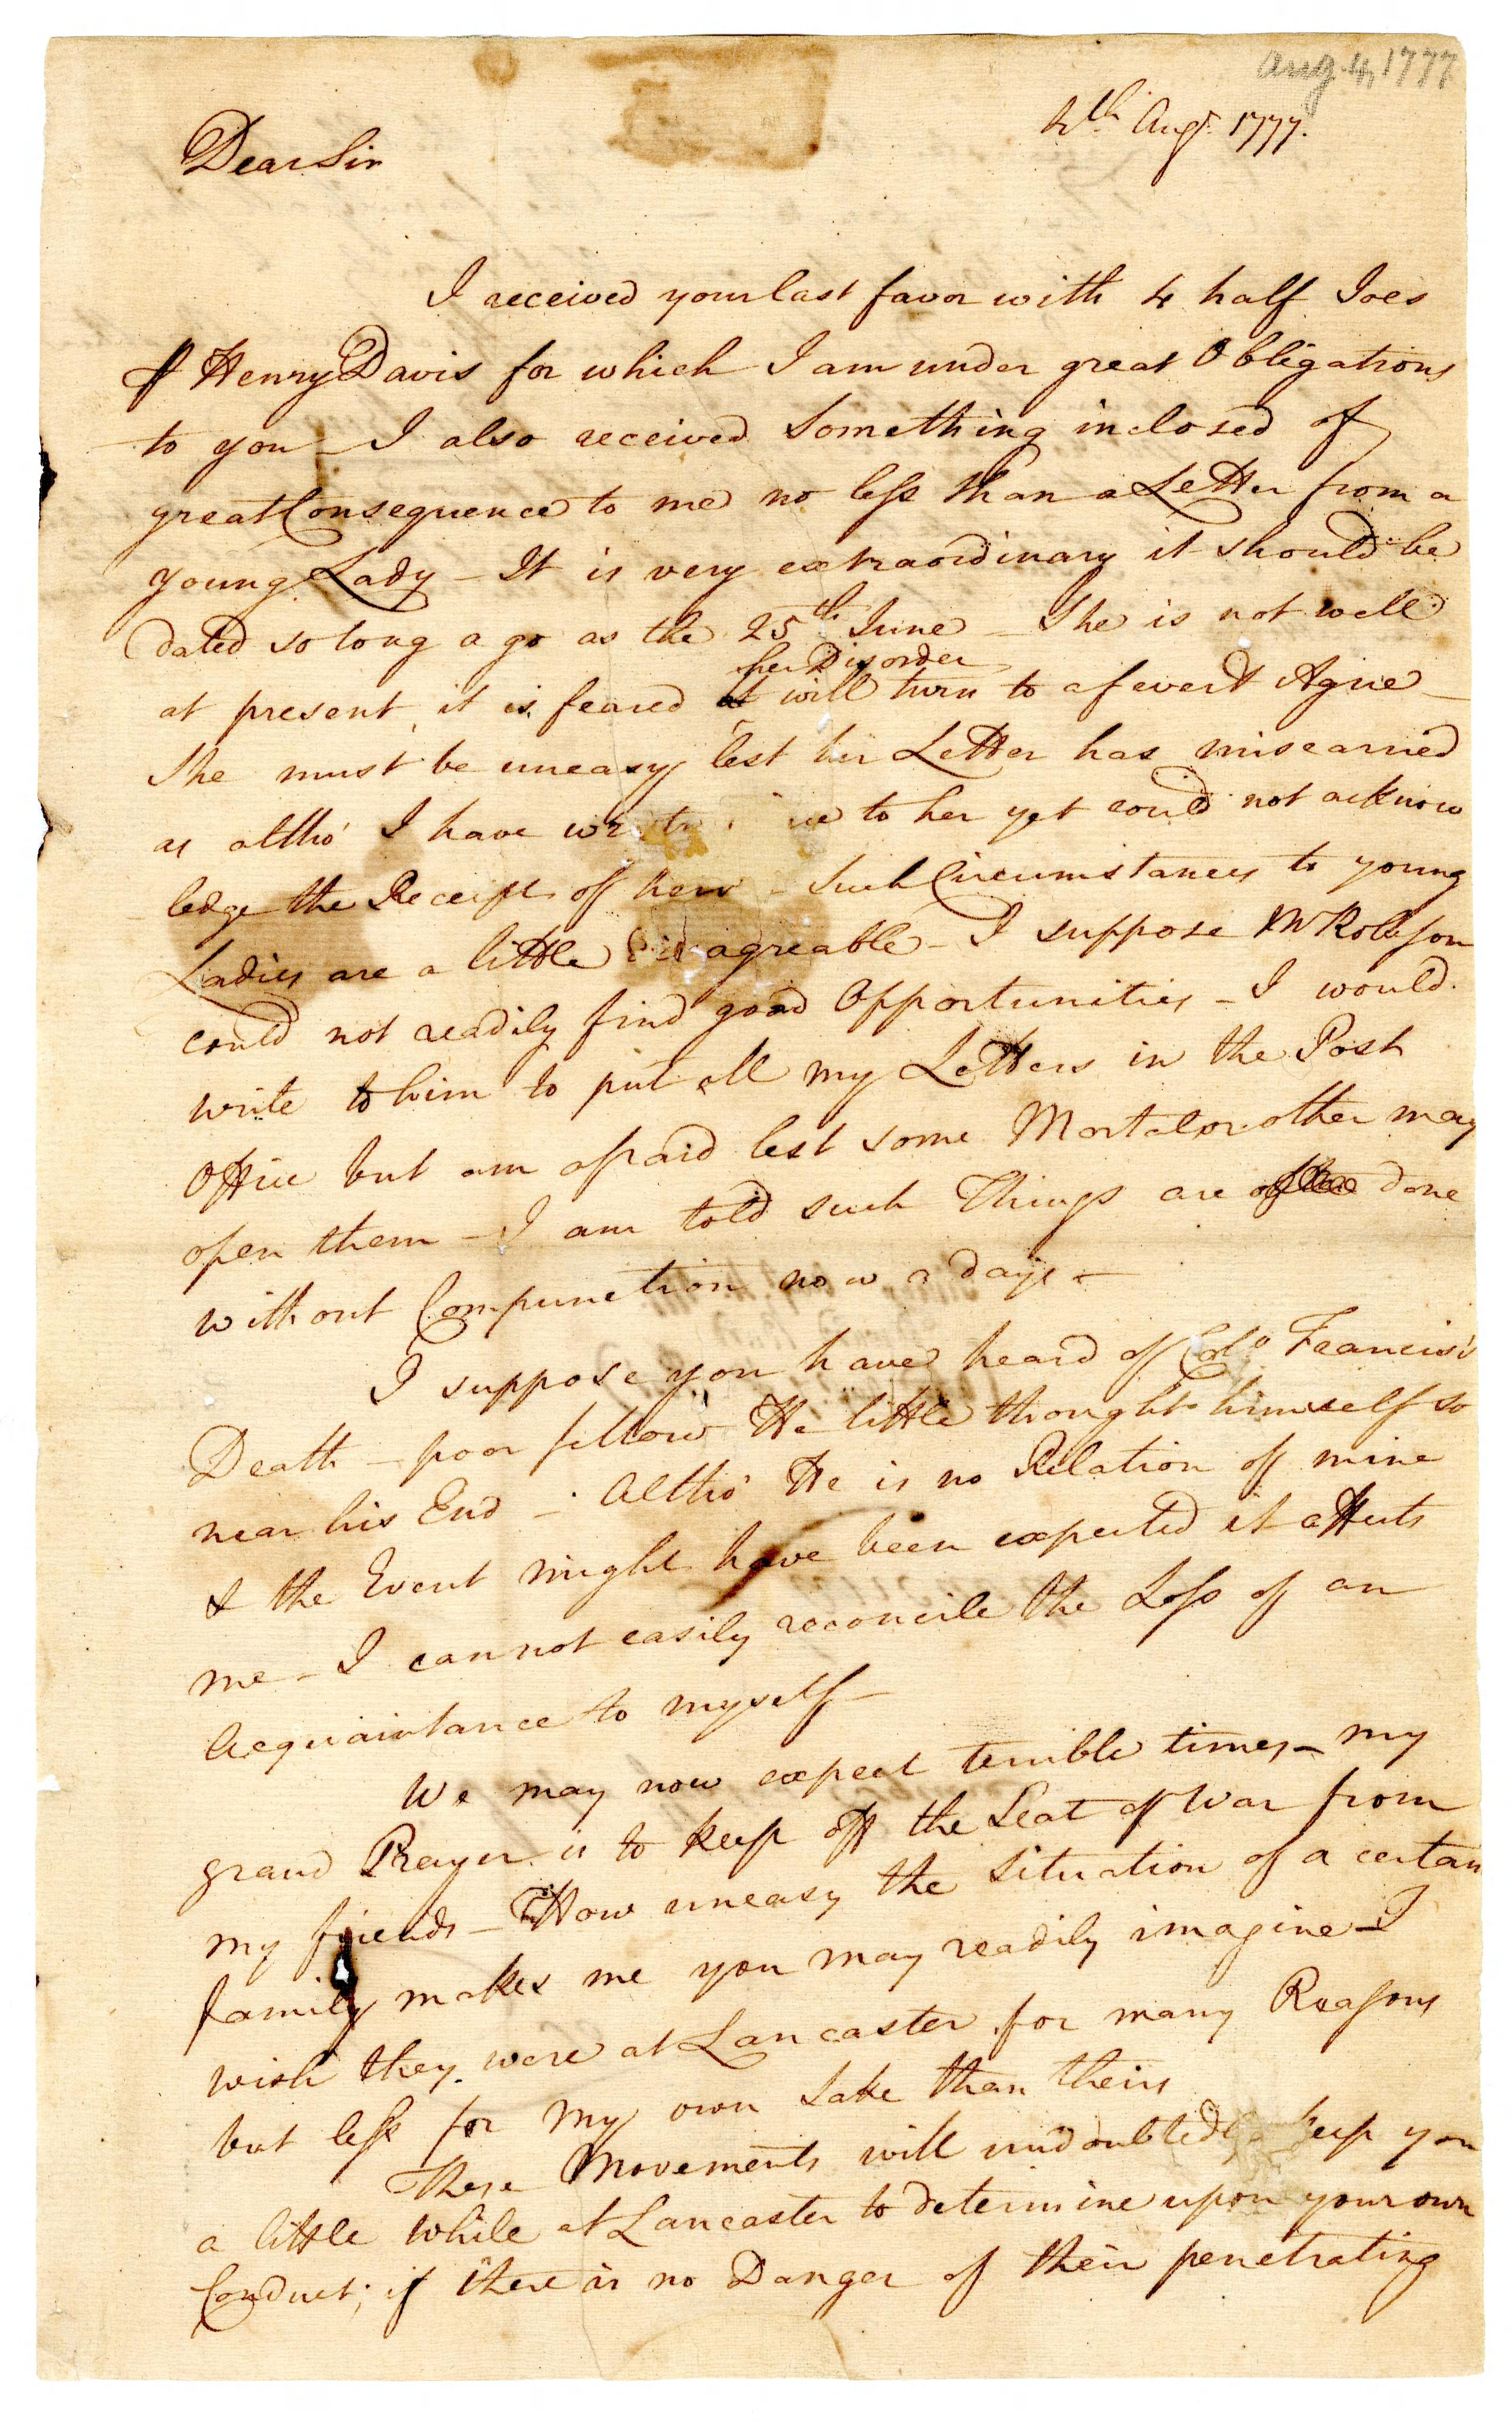4^th. Aug^t. 1777.
Dear Sir
I received your last favor with 4 half Joes
& Henry Davis for which I am under great Obligations
to you. I also received Something inclosed of
great Consequence to me no less than a Letter from a
young Lady- It is very extraordinary it should be
dated so long a go as the 25^th June. She is not well
at present it is feared it ^ will turn to a fever & Ague-
her Disorder
She must be uneasy lest her Letter has miscarried
as altho' I have written [___]e to her yet cou'd not acknow
ledge the Receipt of how Such Circumstances to young
Ladies are a little disagreable. I suppose M^r Robson
could not readily find good Opportunities- I would
write to him to put all my Letters in the Post
Office but am afraid lest some Mortal or other may
open them- I am told such Things are of [___] done
without Conpunction nowadays-
I suppose you have heard of Col^o Francis's
Death- poor fellow He little thought himself so
near his End- Altho' He is no Relation of mine
& the Event might have been expected it affects
me- I cannot easily reconcile the Loss of an
Acquaintance to myself-
We may now expect terrible times- my
grand Prayer is to keep off the Seat of war from
my friends- How uneasy the Situation of a certain
family makes me you may readily imagine- I
wish they were at Lancaster for many Reasons
but less for my own Sake than theirs
These movements will undoubtedly keep you
a little while at Lancaster to determine upon your own
Conduct; if there is no Danger of their penetrating